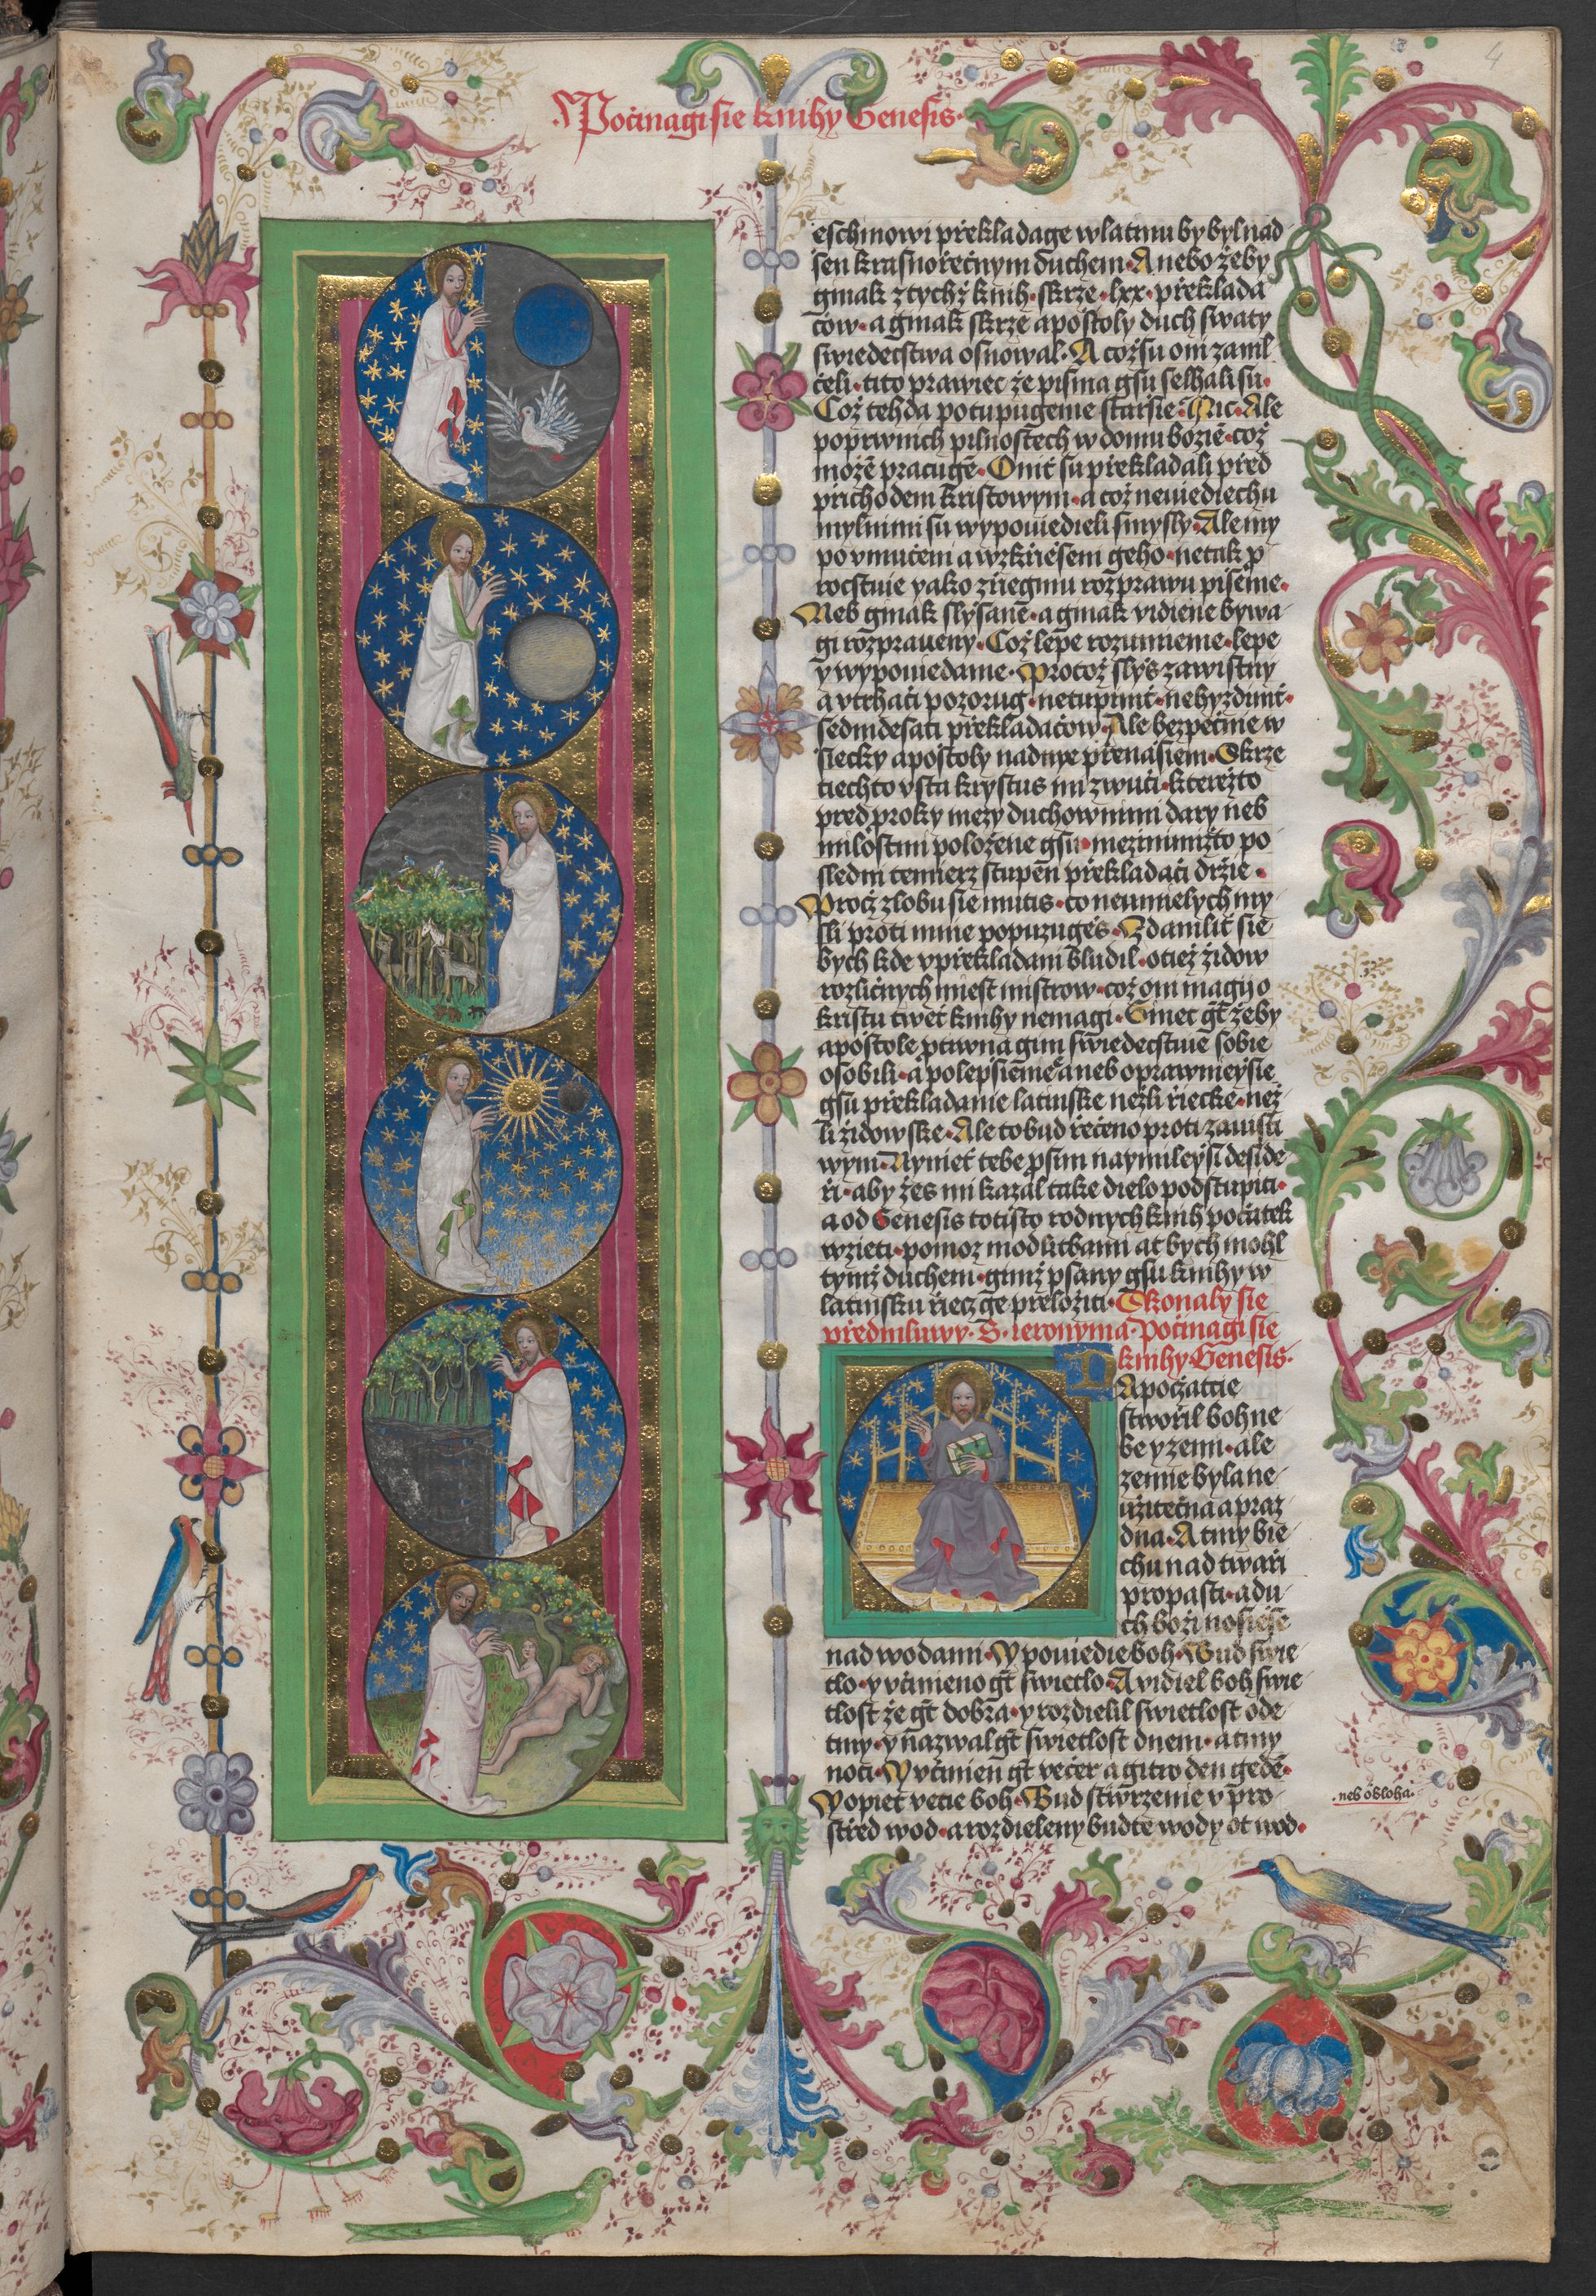Poċinagiſie knihy Geneſis
eſcginowi pṙekladage wlatinu by bylnad¬
ẛen kraſnoṙeċnym duchem.A nebo żeby
ginak z tychż kníh.ſkrze.lxx.pṙeklada¬
ców.a gínak ſkrze apoſtoly duch ſwaty
ſiviedecſtwa oſnowal.A cożsu o ní zanil¬
ċeli.tito prawiec że piſma gſu ſelhaliſu.
Coż tehda potupugenie ſtarẛie?Nic.Ale
poprwních pilnoſtech w domu boziē.coż
możē pracugē.Oniṫ ſu pṙekladali pṙed
pṙichodem kriſtowym.a coż neuiediechu
mylnimi ſu wypouíedieli ſmyſly.Alemy
po vmuċení a wzkṙieẛení geho.netak ꝓ
rocſtwíe yako zṙiegmu rozprawu piẛeme.
Neb ginak ſlyẛane.a gínak vidíene bywa¬
gi rozpraueny.Coż lepe rozumieme.lepe
y wypouiedame.Protož ſlyš zawiſtný
á vtrhači pozorug.netupímiṫ.nehyzdímṫ.
ſedmdeſati pṙekladaċow.Ale bezpeċnie w
ẛiecky apoẛtoly nadnye pṙenaẛiem.Skrze
tiechto vſta kryſtus mi zwuċí.ktereżto
preḋ ꝓroky mezy duchownimi dary neb
miloſtmi polożene gſu.mezinímíżto po¬
ſlední temierz ſtupēn pṙekladaċi držie.
Procż zlobu ſie muitis.co neumielych my¬
ſlí protí mníe popurugeš.Zdaniliṫ ſie
bych kde vpṙekladaní bludil.otież żidow
rozliċnych mieſt miſtrow.coż oni magij o
kriſtu tweṫ knihy nemagí.Sinec ḡt żeby
apoẛtole ꝓtiwna gím ſwiedecſtuie ſobie
oſobili.a polepẛiemeea neb oprawnieyẛie
gſu pṙekladaníe latinſke neżli ṙíecke.neż¬
li żidowſke.Ale tobud ṙeċeno proti zauiſti
wym.Nyníeṫ tebe ꝓſim naymileyẛi deſide¬
ṙí.aby żes mi kazal take dielo podſtupiti.
a od Geneſis totiẛto rodnychkníh počatek
wzieti.pomoz modlitbami at bych mohl
tymż duchem.gímż pſany gſu knihy w
latinſku ṙiecz ge prelożiti.Skonaly ſíe
pṙedmluwy.S.ieronyma.Poċínagi ſíe
knihy Geneſis.
Apocżatcíe
ſtwoṙil bohne¬
be yzemi.ale
zemie byla ne¬
użiteċna a praz¬
dna.A tmy bie¬
chu nad twaṙí
propaſti.adu¬
ch bożi noſieẛe
nad wodamí. Y pouídieboh.Bud ſwie¬
tlo.y vċinieno ḡt ſwietlo.A vidiel bohſwie¬
tloſt że ḡt dobra.y rozdielil ſwietloſt ode¬
tmy.y nazwal ḡt ſwietloſt dnem.a tmy
noci.Y vċiníen ḡt veċer a gitro den gedē.
Vopiet vecie boh.Bud stwrzenie v pro¬
ſtṙed wod.a rozdieleny budte wody ot wod.
.neb obloha.